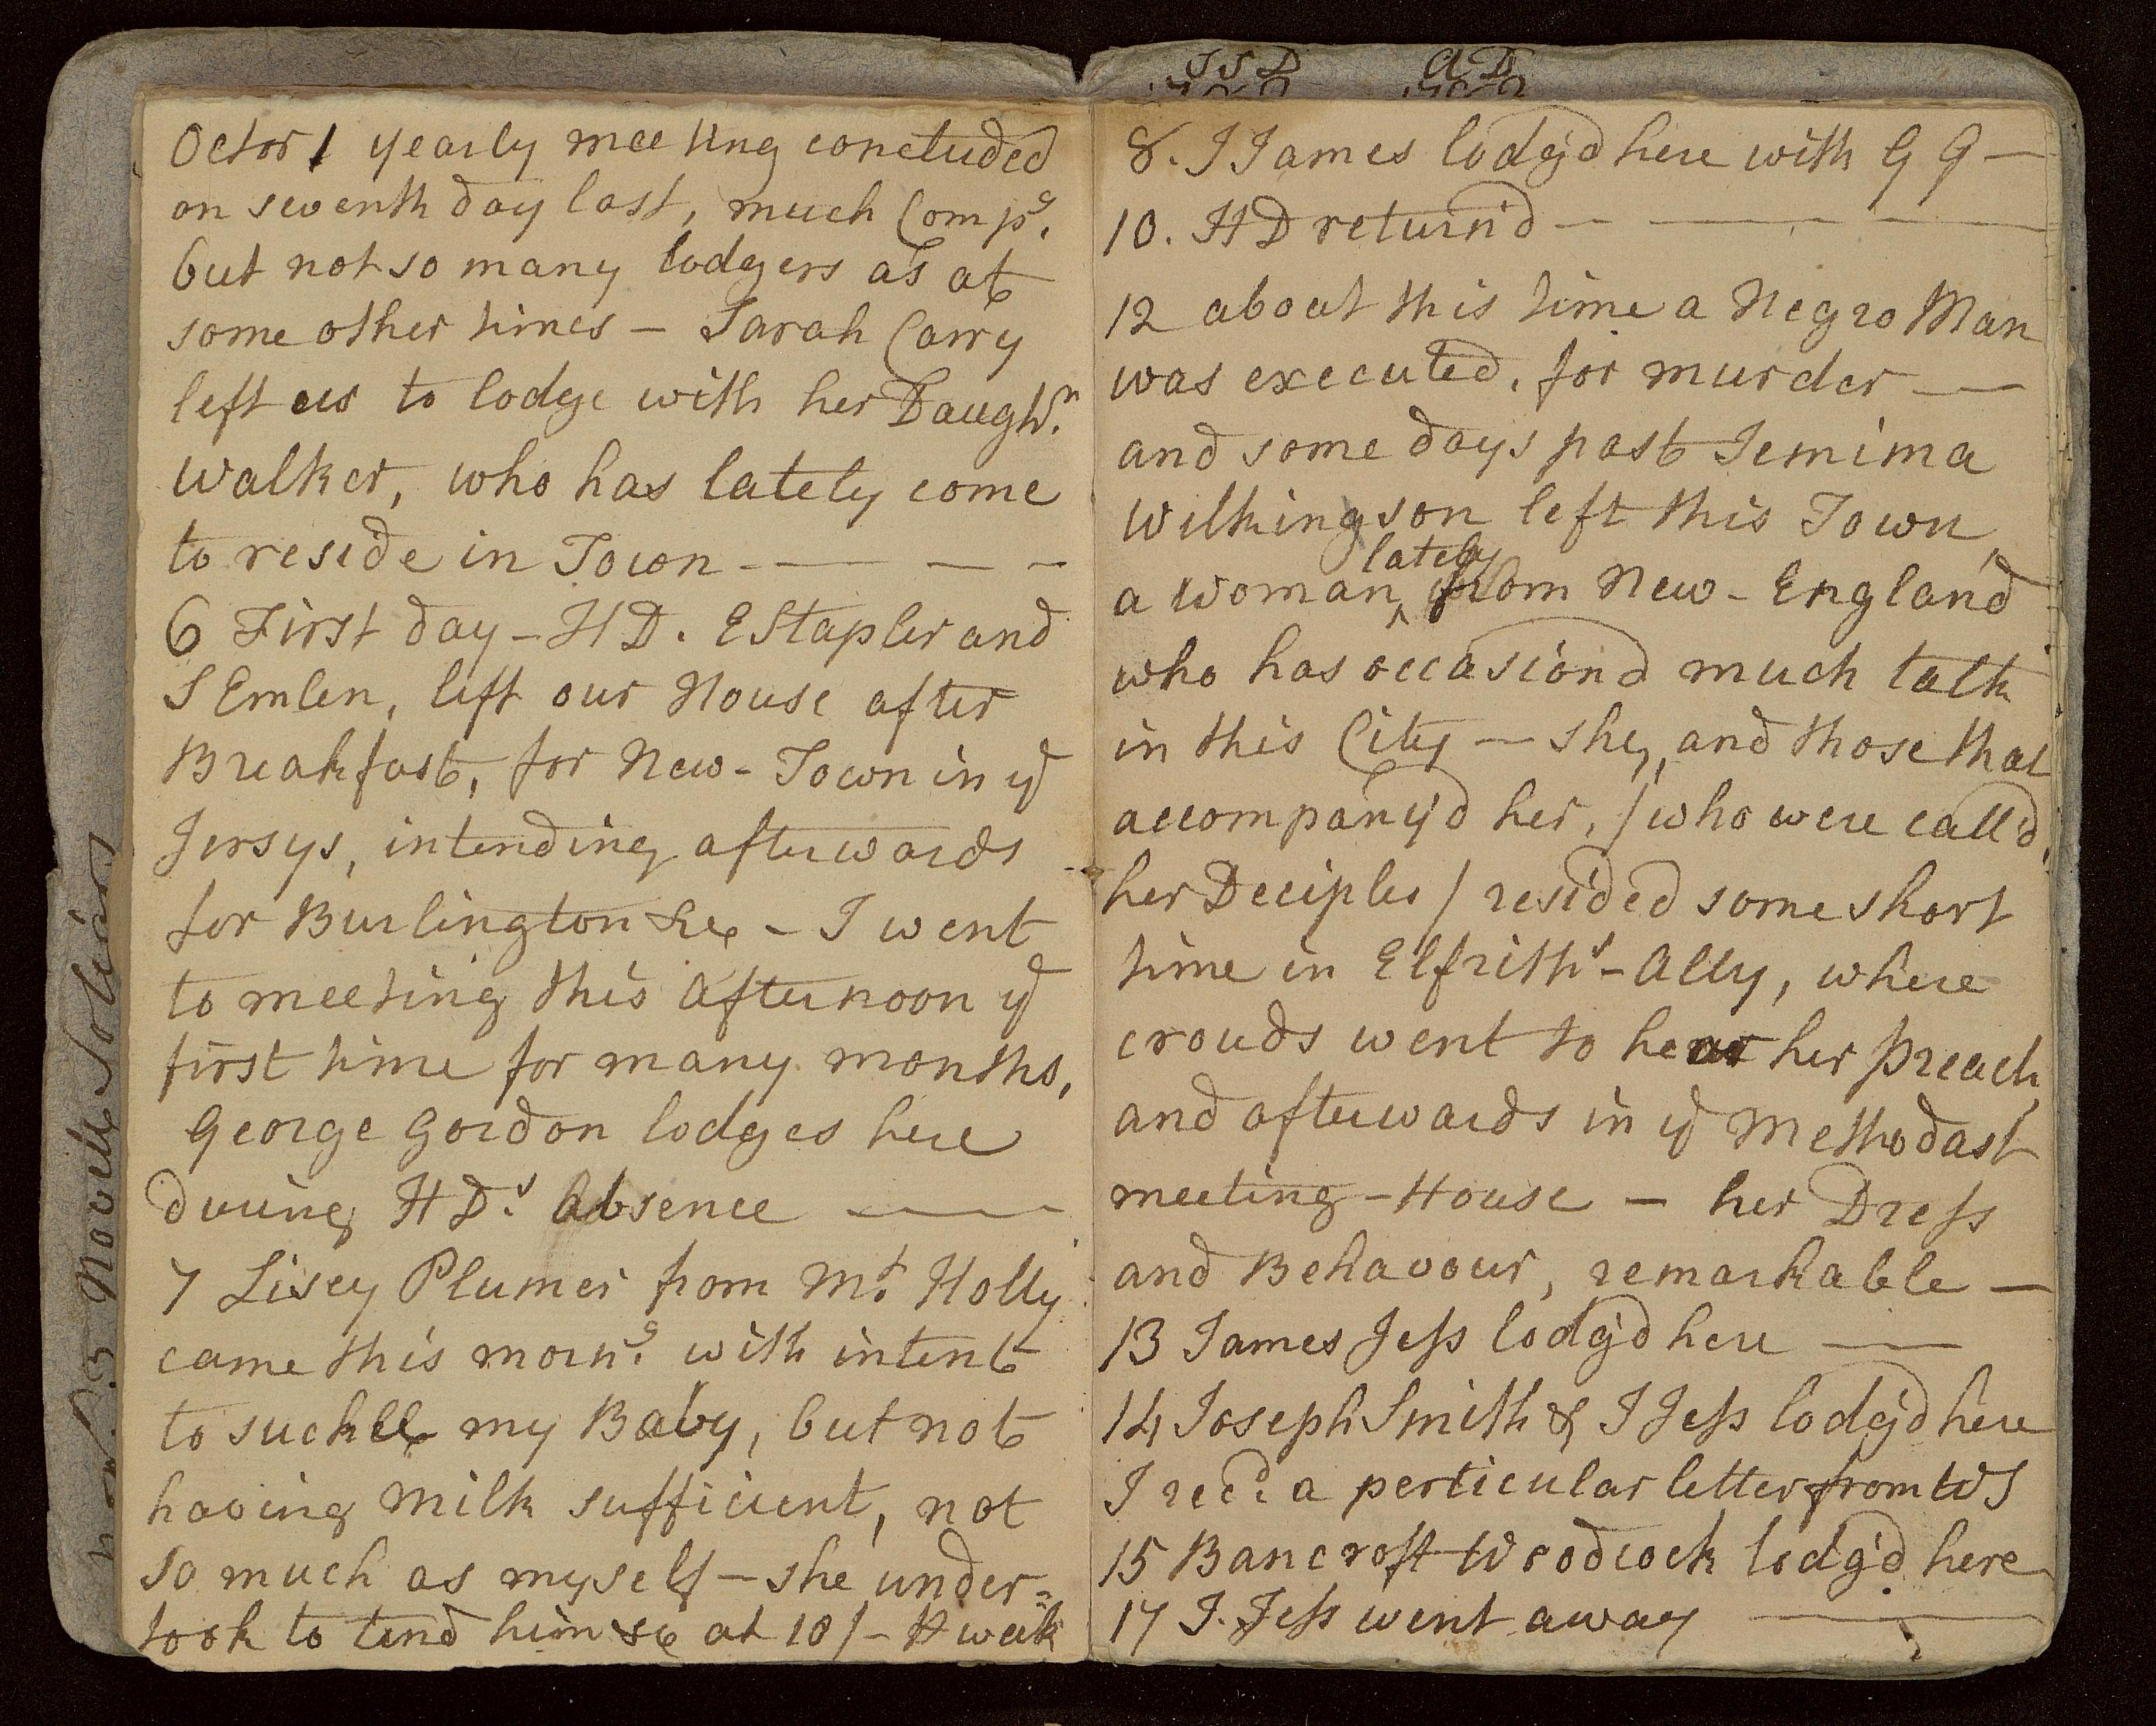Octor 1 yearly meeting concluded
on seventh day lost, much Comp^y.
but not so many lodgers as at
some other times- Sarah Carry
left us to lodge with her Daugh^r.
Walker, who has lately come
to reside in Town--
6 First day- H D. E Stapler and
S Emlen, lift our House after
Breakfast, for New-Town in y^e
Jersys, intending afterwards
for Burlington &c- I went
to meeting this Afternoon y^e
first time for many months,
George Gordon lodges here
during H D^s. absence-
7 Lisey Plumer from M^t Holly
came this morn^g. with intent
to suckel my Baby, but not
having milk sufficient, not
So much as myself- she under-
took to tend him &c at 10s- per week
8. J James lodg'd here with GG-
10. HD return'd-
12 about this time a Negro Man
was executed, for murder-
and some says past Jemima
Wilkingson left this Town
lately
a woman, from New- England
who has occasion'd much talk
in this City- shy, and those that
accompany'd her, /who were call'd
her Deciples/ resided some short
time in Elfrith^s-Ally, where
crouds went to hear her preach
and afterwards in y^e Methodast
meeting-House- her Dress
and Behavour, remarkable-
13 James Jess lodg'd here-
14 Joseph Smith & I Jess lodg'd here
I rec^d. a perticular letter from WS
15 Bancroft Woodcock lodg'd here
17 I. Jess went away